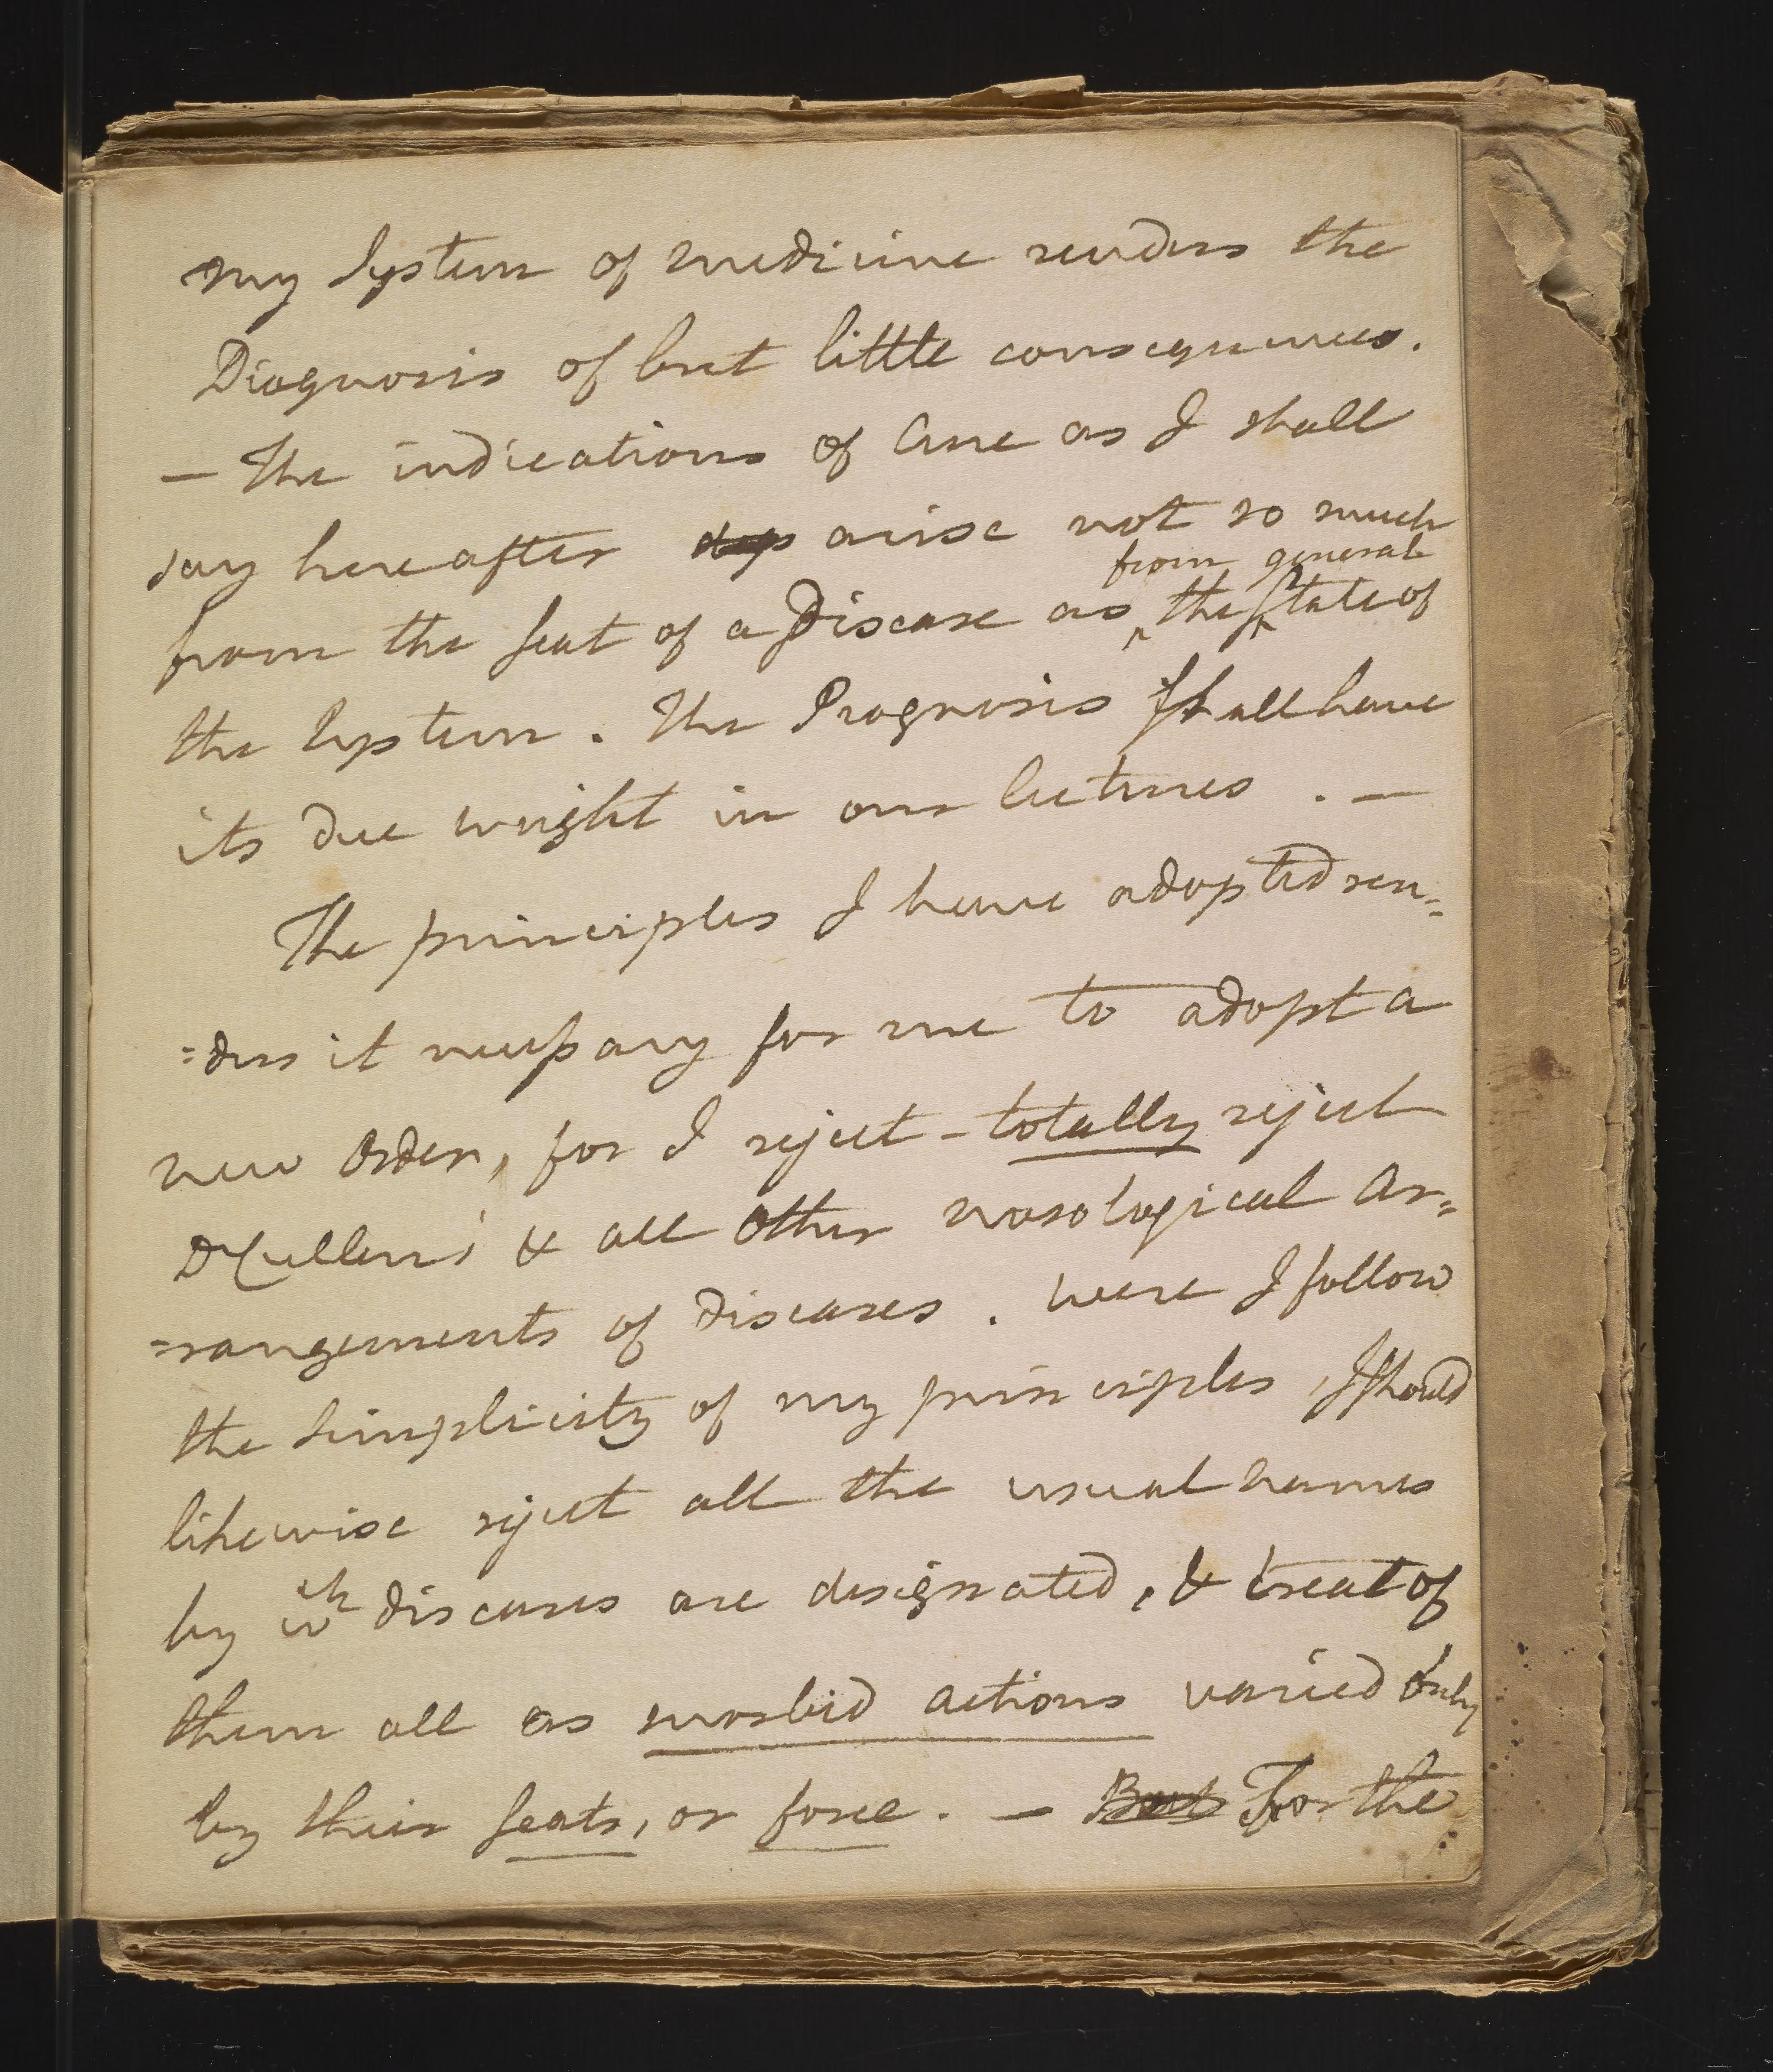any system of medicine under the
Diagnosis of but little consequences.
- The indications of are as I shall
general
from
say hereafter [___] arise not so much
from the seat of a Disease as ^ the ^ state of
the system. The Prognosis shall have
its due weight in our lectures.-
The principles I have adopted ren-
-der it necessary for me to adopt a
new order, for I reject- totally reject
Dr. Cullen's & all other nosological ar-
rangements of diseases. here I follow
the simplicity of my principles, I should
likewise reject all the usual names
by w^ch diseases are designated, & treat of
them all as morbid actions varied only
by their seats, or force.- [But] For the